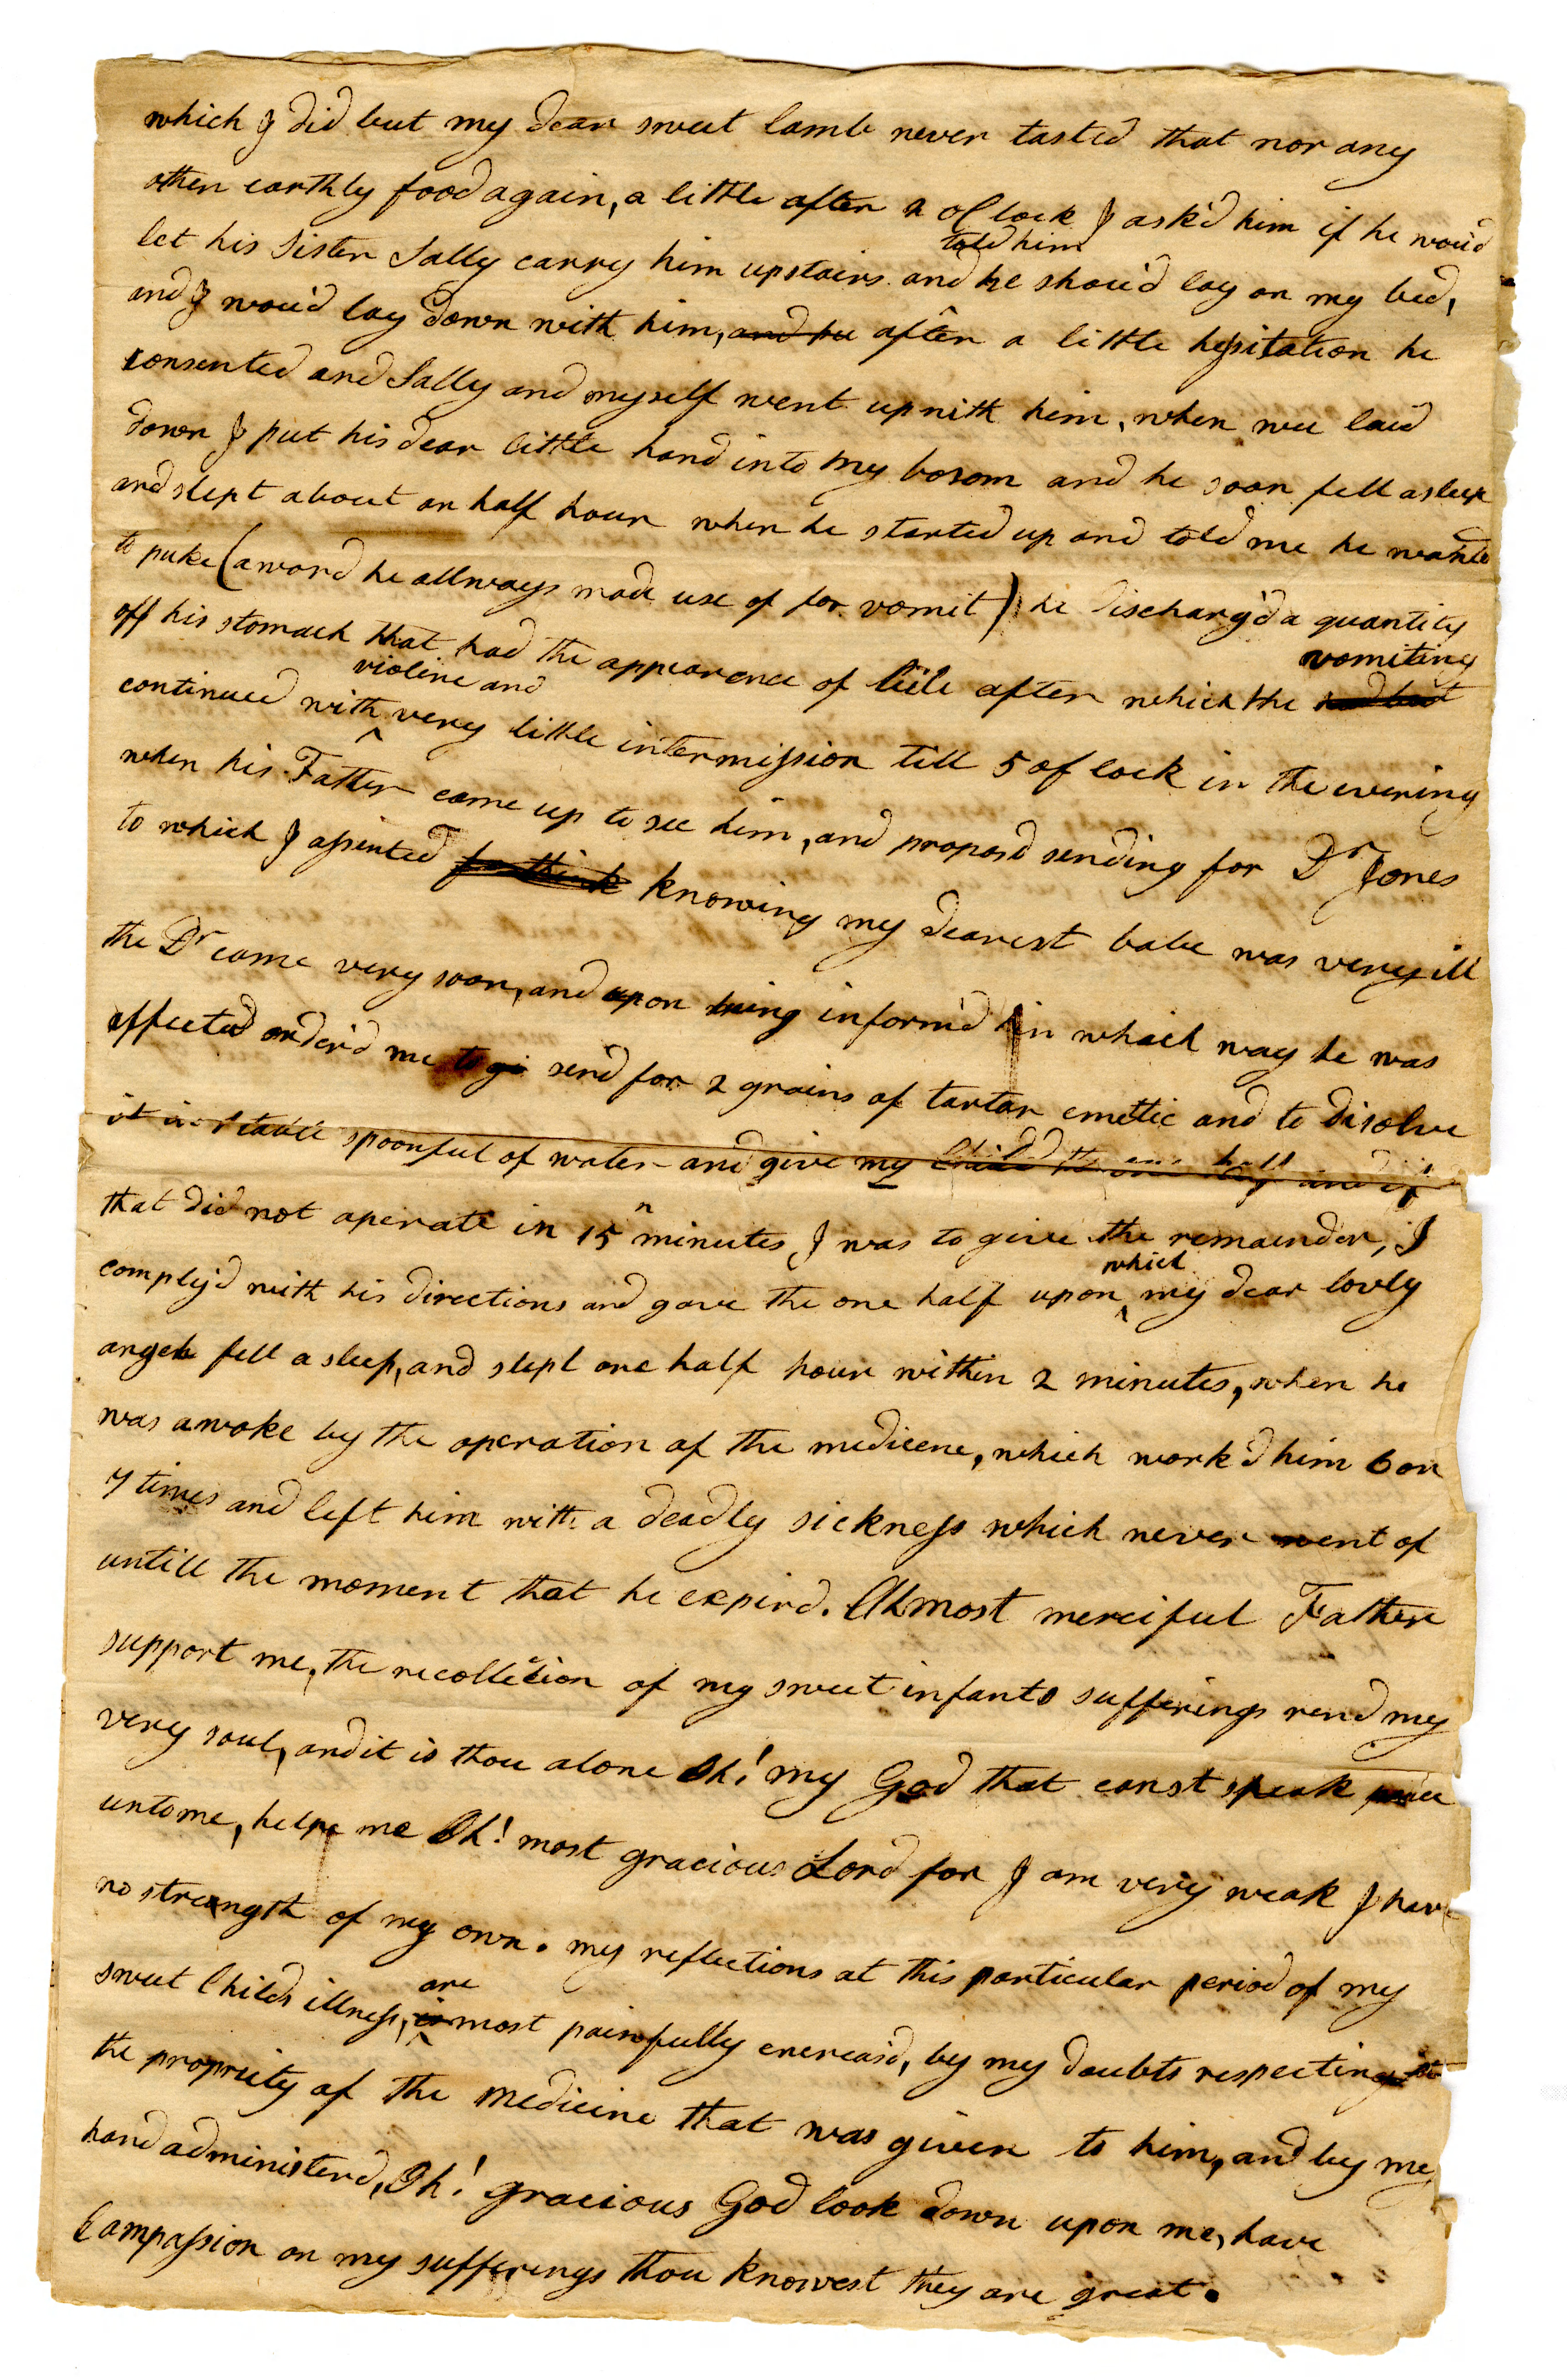which I did but my dear sweet lamb never tasted that nor any
other earthly food again, a little after 2 oClock I ask'd him if he wou'd
told him
let his sister Sally carry him upstairs and he shou'd lay on my bed,
and I wou'd lay down with him, after a little hesitation he
consented and Sally and myself went up with him, when wee laid
down I put his dear little hand into my bosom and he soon fell asleep
and slept about an half hour when he started up and told me he wanted
to puke (a word he allways made use of for vomit) he discharg'd a quantity
vomiting
off his stomach that had the appearance of bile after which the [need but]
violence and
continued with ^ very little intermission till 5 oClock in the evening
when his Father came up to see him, and proposed sending for D^r Jones
to which I assented [for think] knowing my dearest babe was very ill
the D^r came very soon, and upon being inform'd in which way he was
affected order'd me to go send for 2 grains of tartar emetic and to disolve
it in 1 table spoonful of water- and give my Child the one half and if
that did not operate in 15 minutes I was to give the remainder, I
comply'd with his directions and gave the one half upon ^ my dear lovly
which
angel fell a sleep, and slept one half hour within 2 minutes, when he
was awoke by the operation of the medicine, which workd him bou
7 times and left him with a deadly sickness which never went of
untill the moment that he expird. Oh most merciful Father
support me. The recollection of my sweet infants sufferings rend my
very soul, and it is thou alone Oh! my God that canst speak peace
unto me, help me Oh! most gracious Lord for I am very weak I have
no strength of my own. my reflections at this particular period of my
are
sweet Childs illness ^ most painfully encreas'd, by my doubts respecting
the propriety of the medicine that was given to him, and by my
hand administerd, Oh! gracious God look down upon me, have
Campassion on my sufferings thou knowest they are great.